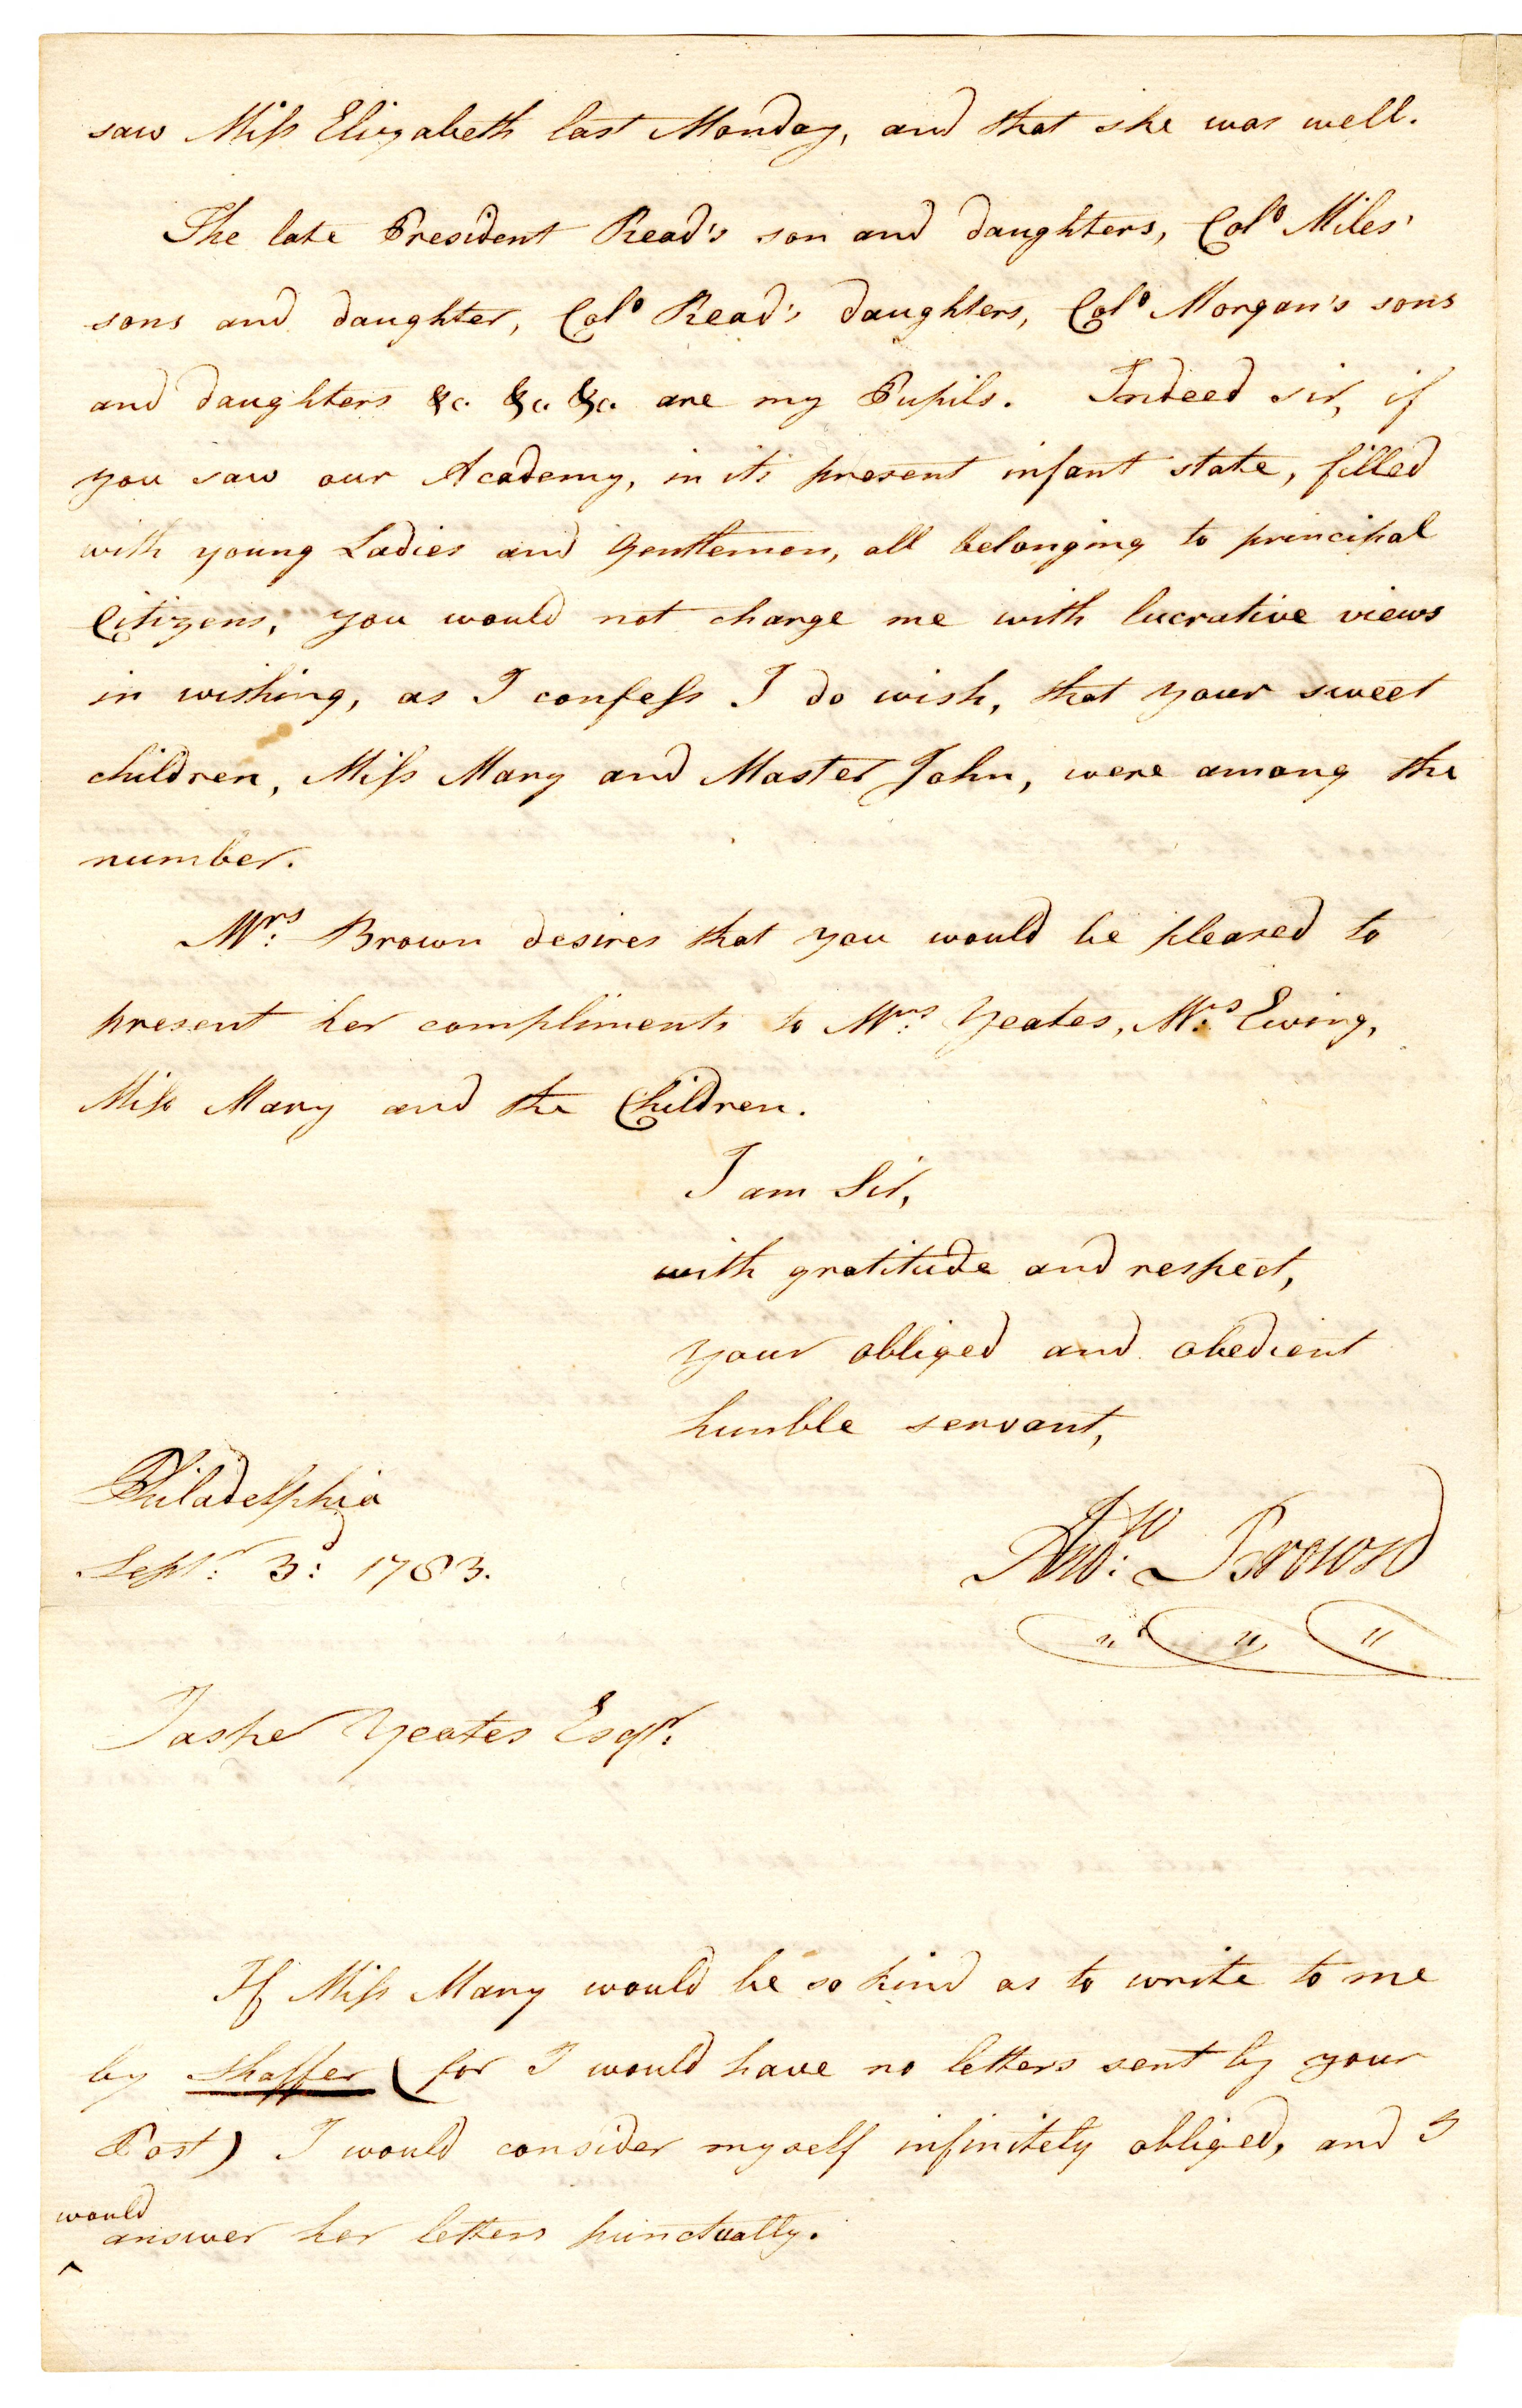saw Miss Elizabeth last Monday, and that she was well.
The late President Read's son and daughters, Col^o. Miles'
sons and daughter, Col^o Read's daughters, Col^o. Morgan's sons
and daughters &c. &. &c. are my Pupils. Indeed sir if
you saw our Academy, in its present infant state, filled
with young Ladies and Gentlemen, all belonging to principal
Citizens, you would not charge me with lucrative views
in wishing, as I confess I do wish, that your sweet
children, Miss Mary and Master John, were among the
number.
M^rs. Brown desires that you would be pleased to
present her compliments to M^rs. Yeates, M^rs. Ewing,
Miss Mary and the Children.
I am Sir,
with gratitude and respect,
your obliged and obedient
humble servant,
And^w: Brown
Philadelphia
Sept. 3^d: 1783.
Jasper Yeates Esq^r.
If Miss Mary would be so kind as to write to me
by Shaffer (for I would have no letters sent by your
Post) I would consider myself infinitely obliged, and I
would
answer her letters punctually.